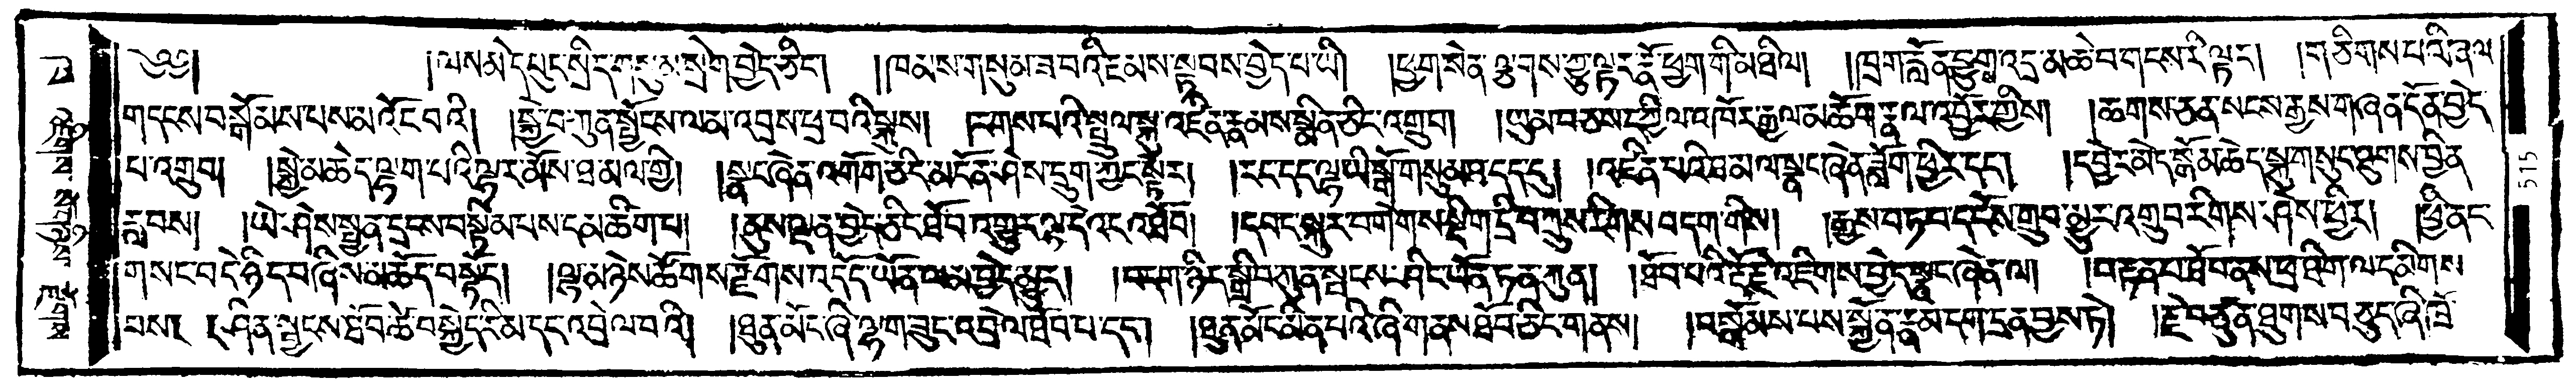༄༅། །ལས་མེ་དཔུང་སྲིད་གསུམ་སྲེག་བྱེད་ཅིང་། །ཁམས་གསུམ་ཟ་བའི་རྔམས་སྟབས་བྱེད་པ་ཡི། །ཕྱག་སེན་ལྕགས་ཀྱུ་ལྟར་རྣོ་ཕྱག་གི་མཐིལ། །ཁྲག་རློན་བྱུགས་འདྲ་མཆེ་བ་གངས་རི་ལྟར། །གཅིགས་པའི་ཞལ་
གདངས་བསྒོམས་པས་མ་འོང་བའི། །སྐྱེ་བ་ཀུན་སྤྱོངས་ལམ་འབྲས་ཕྲ་བའི་སྐུས། །རགས་པའི་སྤྲུལ་སྐུ་འཛིན་རྣམས་སྨིན་ཅིང་འགྲུབ། །ཡུམ་བཅས་དཀྱིལ་འཁོར་རྒྱལ་མཆོག་རྣལ་འབྱོར་གྱིས། །ཆགས་ཅན་སངས་རྒྱས་གཞན་དོན་བྱེད་
པ་འགྲུབ། །སྐྱེ་མཆེད་ལྷག་པའི་ལྷར་མོས་ཐ་མལ་གྱི། །སྣང་ཞེན་འགོག་ཅིང་མངོན་ཤེས་དྲུག་ཀྱང་སྟེར། །རང་དང་ལྷ་ཡི་སྒོ་གསུམ་ཐ་དད་དུ། །འཛིན་པའི་ཐ་མལ་སྣང་ཞེན་ཟློག་ཕྱིར་དང་། །དབྱེར་མེད་སྒོ་མཆེད་སྐུ་གསུང་ཐུགས་བྱིན་
རླབས། །ཡེ་ཤེས་སྤྱན་དྲངས་བསྟིམ་པས་དམ་ཚིག་པ། །ནུས་ལྡན་བྱེད་ཅིང་ཐོབ་འགྱུར་ལྷ་དེའང་འཐོབ། །དབང་སྐུར་བགེགས་སྡིག་དྲི་བཀྲུས་རིགས་བདག་གིས། །རྒྱས་བཏབ་དངོས་གྲུབ་མྱུར་འགྲུབ་རིགས་ཤེས་ཕྱིར། །ཕྱི་ནང་
གསང་བ་དེ་ཉིད་བཞིས་མཆོད་བསྟོད། །ལྷ་མཉེས་ཚོགས་རྫོགས་འདོད་ཡོན་ལམ་བྱེད་མྱུར། །བདག་ཉིད་སྒྲིབ་ཀུན་སྤངས་ཤིང་ཡོན་ཏན་ཀུན། །ཐོབ་པའི་རྡོ་རྗེ་འཇིགས་བྱེད་སྣང་ཞེན་ལ། །བརྟན་པ་ཐོབ་ནས་ཕྲ་ཐིག་ལ་དམིགས་
པས༑ ༑ཤིན་སྦྱངས་ཐོབ་ཚེ་བསྐྱེད་རིམ་དང་འབྲེལ་བའི། །ཐུན་མོང་ཞི་ལྷག་ཟུང་འབྲེལ་ཐོབ་པ་དང་། །ཐུན་མོང་མིན་པའི་ཞི་གནས་ཐོབ་ཅིང་གནས། །བསྒོམས་པས་སྐྱོན་རྣམ་དག་དྲན་བྱས་ཏེ། །རྗེ་བཙུན་ཐུགས་བཅུད་ཞི་ཁྲོ་